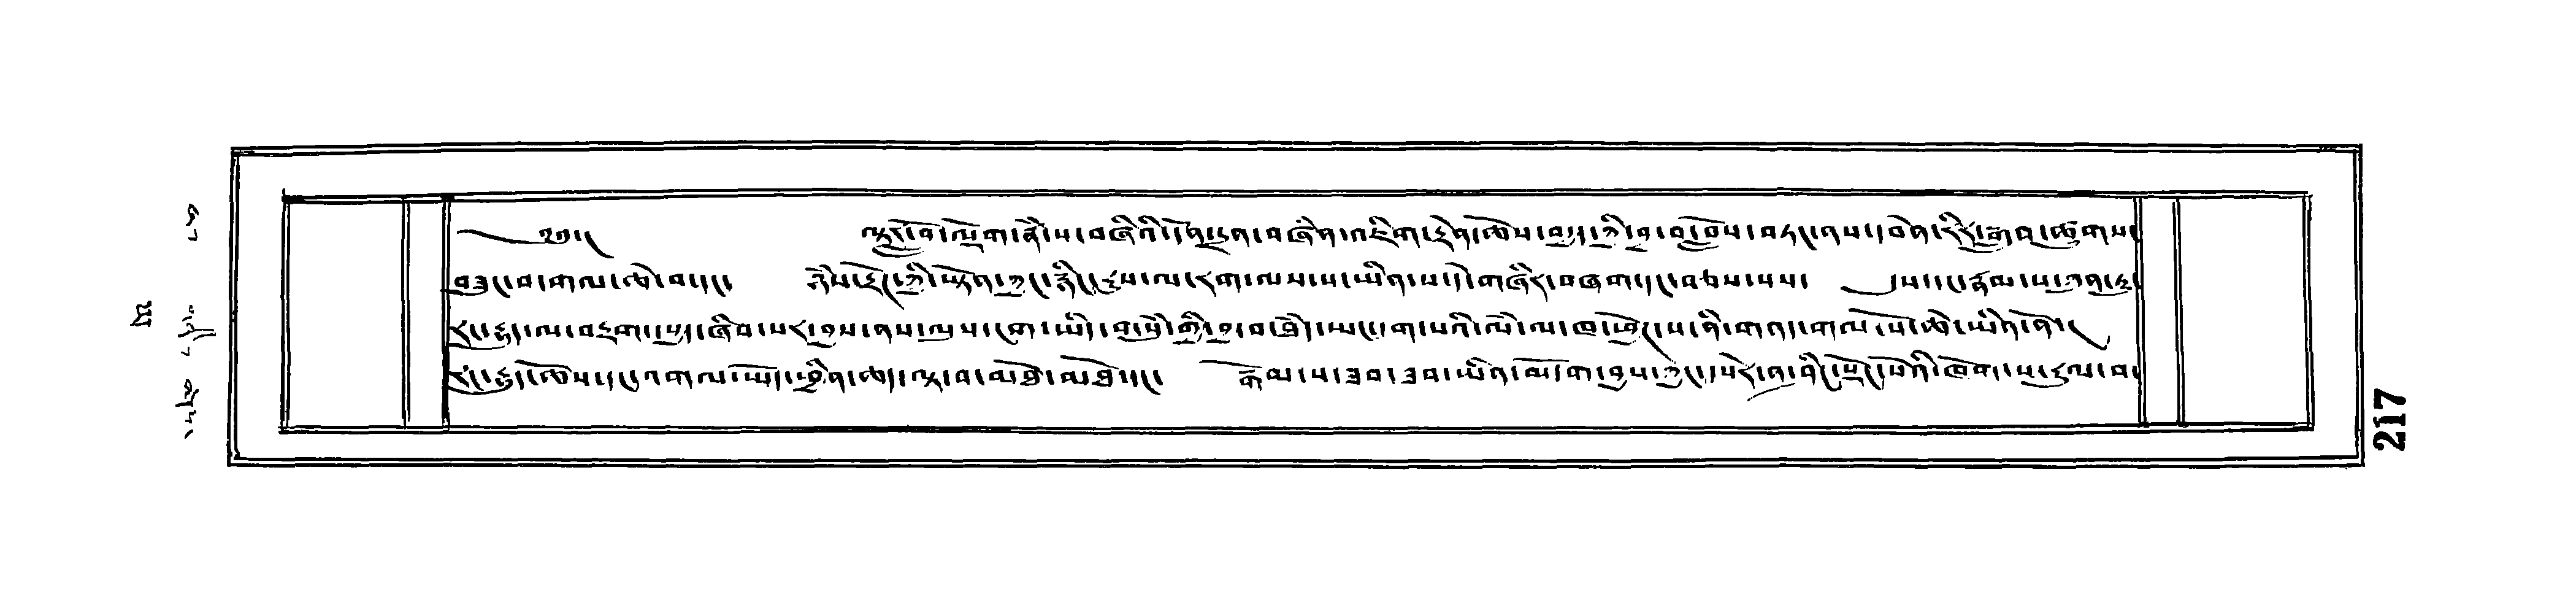ལྟར་བློ་ལྡོག་རྣམ་པ་བཞིའི་དོན་དྲན་བཞིན་འཇིག་རྟེན་ཆོས་བརྒྱད་ཀྱི་བྱ་བ་བློས་བཏང་ནས་དབེན་རིར་སྒྲུབ་ཚུགས་
བཟུང་བ་གལ་ཆེ་བ་དང་། ཉམས་རྟོགས་ཀྱི་ཡོན་ཏན་ཀྱང་སྙིང་རུས་ལ་རག་ལས་པ་ཡིན་པས་དེ་གཞིར་བཞག་དང་བཅས་པས། དུས་དང་རྣམ་པ་ཀུན་ཏུ་
རང་རྒྱུད་ལ་བརྟག་དཔྱད་ཞིབ་པར་བྱས་ནས་ལུས་ངག་ཡིད་གསུམ་གྱི་བྱ་བ་ཐམས་ཅད་ཡང་དག་པའི་ལམ་ལ་ཁ་ཕྱོགས་པ་ནི་གནད་གལ་པོ་ཆེ་ཡིན་ནོ། 
རང་རྒྱུད་ཆོས་དང་འགལ་ཡོད་ཕྱིན་ཆད་ལྟ་བ་མཐོ་མཐོ་དང་། སྒོམ་པ་ཟབ་ཟབ་ཡིན་མདོག་བྱས་ཀྱང་དཔེར་ན་ཤིང་སྡོང་པོའི་ཁོག་པ་རུལ་བ་